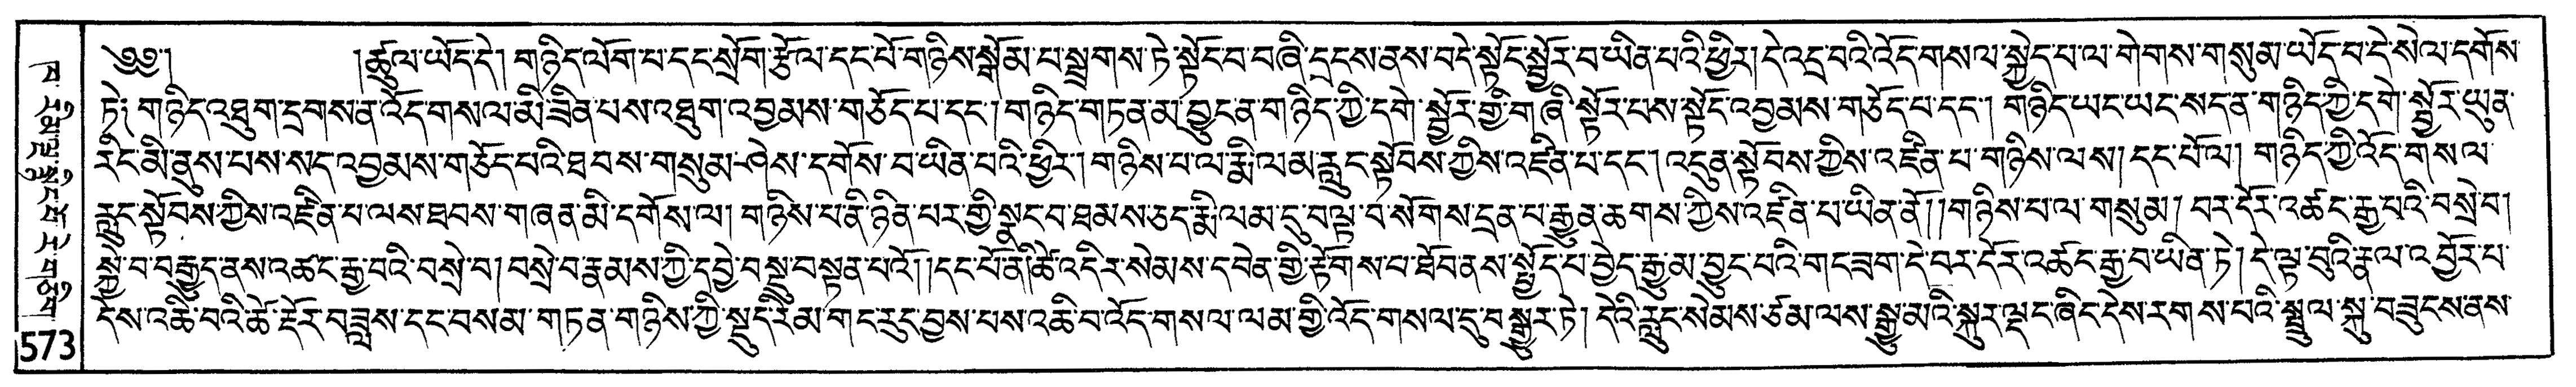༄༅། །ཚུལ་ཡོད་དེ། གཉིད་ལོག་པ་དང་སྲོག་རྩོལ་དང་པོ་གཉིས་སྒོམ་པ་སྦྲགས་ཏེ་སྟོང་པ་བཞི་དྲངས་ནས་བདེ་སྟོང་སྦྱོར་བ་ཡིན་པའི་ཕྱིར། དེ་འདྲ་བའི་འོད་གསལ་སྐྱེད་པ་ལ་གེགས་གསུམ་ཡོད་པ་དེ་སེལ་དགོས་
ཏེ༑ གཉིས་འཐུག་དྲགས་ན་འོད་གསལ་མི་ཟིན་པས་འཐུག་འབྱམས་གཅོད་པ་དང་། གཉིད་གཏན་མ་བྱུང་ན་གཉིད་ཀྱི་དགེ་སྦྱོར་གྱི་གཞི་སྟོར་པས་སྟོང་འབྱམས་གཅོད་པ་དང་། གཉིད་ཡང་ཡང་སད་ན་གཉིད་ཀྱི་དགེ་སྦྱོར་ཡུན་
རིང་མི་ནུས་པས་སད་འབྱམས་གཅོད་པའི་ཐབས་གསུམ་ཤེས་དགོས་པ་ཡིན་པའི་ཕྱིར། གཉིས་པ་ལ་རྨི་ལམ་རླུང་སྟོབས་ཀྱིས་འཛིན་པ་དང་། འདུན་སྟོབས་ཀྱིས་འཛིན་པ་གཉིས་ལས། དང་པོ་ལ། གཉིད་ཀྱི་འོད་གསལ་
རླུང་སྟོབས་ཀྱིས་འཛིན་པ་ལས་ཐབས་གཞན་མི་དགོས་ལ། གཉིས་པ་ནི་ཉིན་པར་གྱི་སྣང་བ་ཐམས་ཅད་རྨི་ལམ་དུ་བལྟ་བ་སོགས་དྲན་པ་རྒྱུན་ཆགས་ཀྱིས་འཛིན་པ་ཡིན་ནོ། །གཉིས་པ་ལ་གསུམ། བར་དོར་འཚང་རྒྱ་བའི་བསྲེ་བ།
སྐྱེ་བ་བརྒྱུད་ནས་འཚང་རྒྱ་བའི་བསྲེ་བ། བསྲེ་བ་རྣམས་ཀྱི་དབྱེ་བསྡུ་བསྟན་པའོ། །དང་པོ་ནི། ཚེ་འདིར་སེམས་དབེན་གྱི་རྟོགས་པ་ཐོབ་ནས་སྤྱོད་པ་བྱེད་རྒྱུ་མ་བྱུང་བའི་གང་ཟག་དེ་བར་དོར་འཚང་རྒྱ་བ་ཡིན་ཏེ། དེ་ལྟ་བུའི་རྣལ་འབྱོར་པ་
དེས་འཆི་བའི་ཚེ་རྡོར་བཟླས་དང་བསམ་གཏན་གཉིས་ཀྱི་སྡུད་རིམ་གང་རུང་བྱས་པས་འཆི་བ་འོད་གསལ་ལམ་གྱི་འོད་གསལ་དུ་བསྒྱུར་ཏེ། དེའི་རླུང་སེམས་ཙམ་ལས་སྒྱུ་མའི་སྐུར་ལྡང་ཞིང་དེས་རགས་པའི་སྤྲུལ་སྐུ་བཟུངས་ནས་